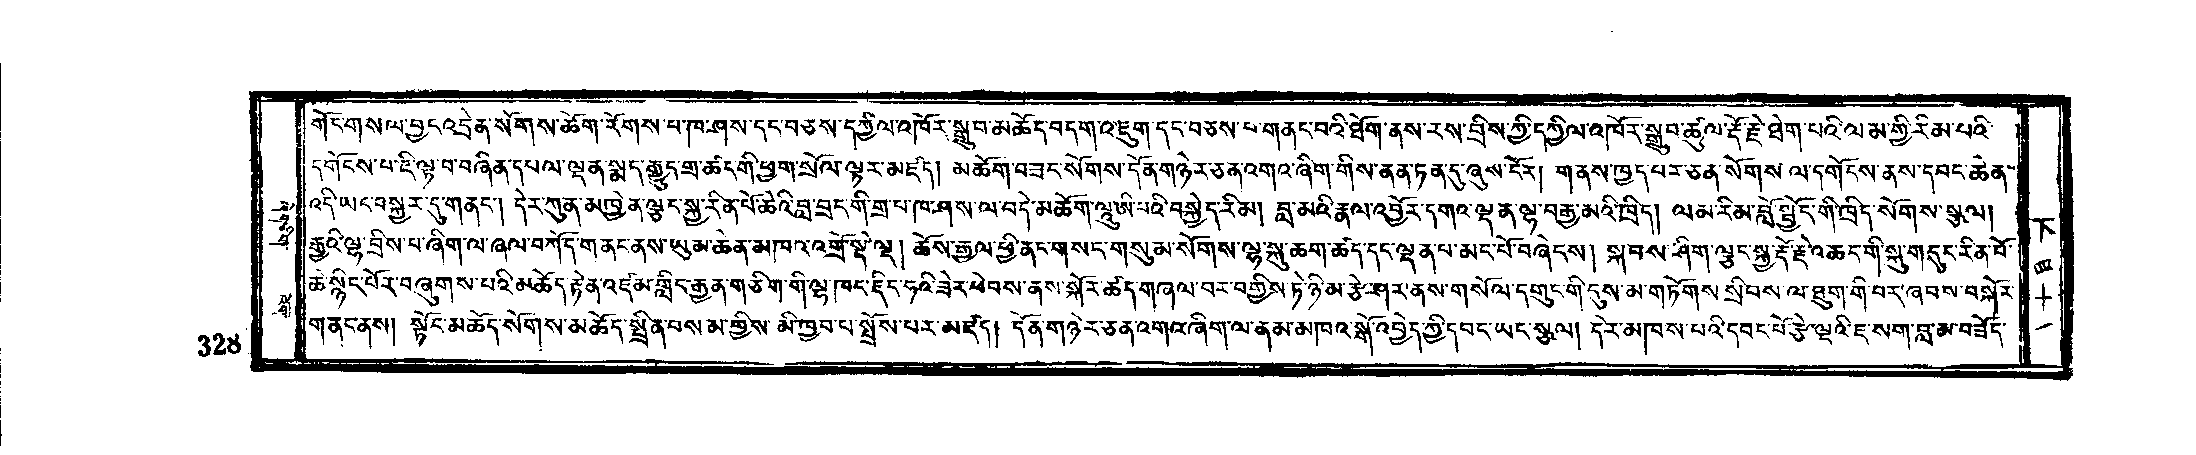གོང་གསལ་བྱང་འདྲེན་སོགས་ཆོག་རོགས་པ་ཁ་ཤས་དང་བཅས་དཀྱིལ་འཁོར་སྒྲུབ་མཆོད་བདག་འཇུག་དང་བཅས་པ་གནང་བའི་ཐོག་ནས་རས་བྲིས་ཀྱི་དཀྱིལ་འཁོར་སྒྲུབ་ཚུལ་རྡོ་རྗེ་ཐེག་པའི་ལམ་གྱི་རིམ་པའི་
དགོངས་པ་ཇི་ལྟ་བ་བཞིན་དཔལ་ལྡན་སྨད་རྒྱུད་གྲ་ཚང་གི་ཕྱག་སྲོལ་ལྟར་མཛད། མཆོག་བཟང་སོགས་དོན་གཉེར་ཅན་འགའ་ཞིག་གིས་ནན་ཏན་དུ་ཞུས་ངོར། གནས་ཁྱད་པར་ཅན་སོགས་ལ་དགོངས་ནས་དབང་ཆེན་
འདི་ཡང་བསྐྱར་དུ་གནང་། དེར་ཀུན་མཁྱེན་ལྕང་སྐྱ་རིན་པོ་ཆེའི་བླ་བྲང་གི་གྲ་པ་ཁ་ཤས་ལ་བདེ་མཆོག་ལཱུ་ཨི་པའི་བསྐྱེད་རིམ། བླ་མའི་རྣལ་འབྱོར་དགའ་ལྡན་ལྷ་བརྒྱ་མའི་ཁྲིད། ལམ་རིམ་བློ་སྦྱོང་གི་ཁྲིད་སོགས་སྩལ།
རྒྱའི་ལྷ་བྲིས་པ་ཞིག་ལ་ཞལ་བཀོད་གནང་ནས་ཡུམ་ཆེན་མཁའ་འགྲོ་སྡེ་ལྔ། ཆོས་རྒྱལ་ཕྱི་ནང་གསང་གསུམ་སོགས་ལྷ་སྐུ་ཆག་ཚད་དང་ལྡན་པ་མང་པོ་བཞེངས། སྐབས་ཤིག་ལྕང་སྐྱ་རྡོ་རྗེ་འཆང་གི་སྐུ་གདུང་རིན་པོ་
ཆེ་སྙིང་པོར་བཞུགས་པའི་མཆོད་རྟེན་འཛམ་གླིང་རྒྱན་གཅིག་གི་ལྷ་ཁང་ཇིང་ཧའི་ཟེར་ཕེབས་ནས་སྐོར་ཚད་གཞལ་བར་བགྱིས་ཏེ་ཉི་མ་རྩེ་ཤར་ནས་གསོལ་དགུང་གི་དུས་མ་གཏོགས་སྲིབས་ལ་ཐུག་གི་བར་ཞབས་བསྐོར་
གནང་ནས། སྟོང་མཆོད་སོགས་མཆོད་སྤྲིན་བསམ་གྱིས་མི་ཁྱབ་པ་སྤྲོས་པར་མཛད། དོན་གཉེར་ཅན་འགའ་ཞིག་ལ་ནམ་མཁའ་སྒོ་འབྱེད་ཀྱི་དབང་ཡང་སྩལ། དེར་མཁས་པའི་དབང་པོ་རྩེ་ལྔའི་ཇ་སག་བླ་མ་བཟོད་